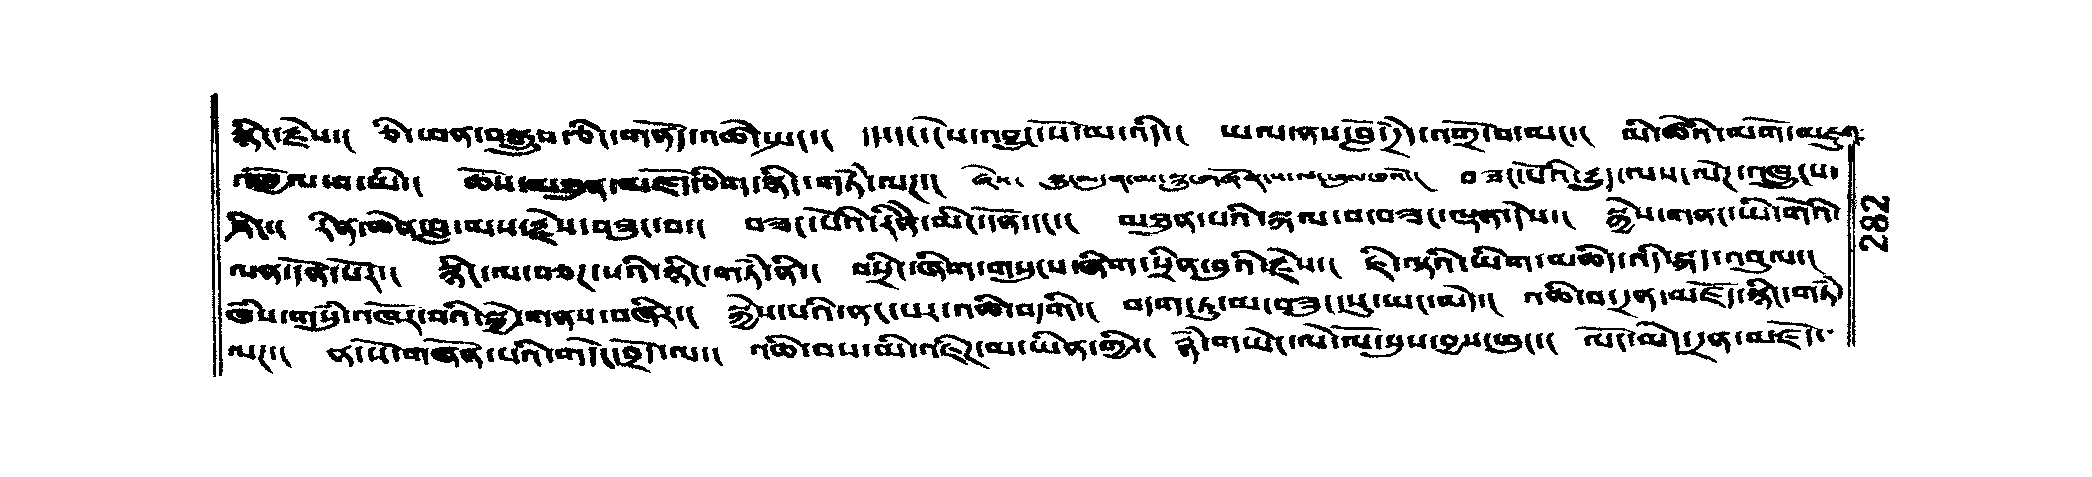སྙིང་རྗེས། །ཅི་ཕན་བསྒྲུབ་ཅིང་གནོད་འཚེ་སྤང་། །དད་དང་ངེས་འབྱུང་སོ་མ་འདི། །ཡལ་ནས་བློ་དྲེད་འགྲོ་བ་མང་། །མི་ཚེའི་འགོ་མཇུག་
འཁྱོལ་བ་ཡི། །ཆོས་མཐུན་མཛོད་ཅིག་སྙིང་གཏམ་ལགས།ཞེས་སྐུ་མདུན་མ་སྐུ་གཞོན་པ་ལ་ཕུལ་བའོ།། བཟང་པོའི་རྒྱུད་ལས་ལེགས་འཁྲུངས་
ཤིང་། །རིན་ཆེན་བླ་མས་རྗེས་བཟུང་བ། །བཟང་པོའི་རིན་ཆེན་མིང་དོན་དང་། །མཐུན་པའི་སྐལ་བ་བཟང་ལྡན་དེས། །སྐྱེས་གནང་ཡི་གེའི་
ལན་དོན་པོར། །སྙིང་ལ་བཅགས་པའི་སྙིང་གཏམ་ནི། །བསྲིངས་ཞིག་གསུངས་བཞིན་སྲིན་བུའི་རྗེས། །ཇི་ལྟའི་ཡིག་མཆིད་འདི་སྐད་འབུལ། །
ཁམས་གསུམ་འཁོར་བའི་སྐྱེ་གནས་བཞིར། །སྐྱེས་པའི་ནང་པར་འཆི་བདག་གི བདག་ཏུ་མ་བཟུང་སུ་ཡང་མེད། འཆི་བ་དྲན་མཛོད་སྙིང་གཏམ་
ལགས། །ན་སོ་གཞོན་པའི་གདེང་བྲོང་ལ། །འཆི་བས་མི་འཇིགས་མ་ཡིན་གྱི། །རྣམ་གཡེངས་ལེ་ལོ་སུས་བྱས་ཕུང་། །ལོང་མེད་དྲན་མཛོད་